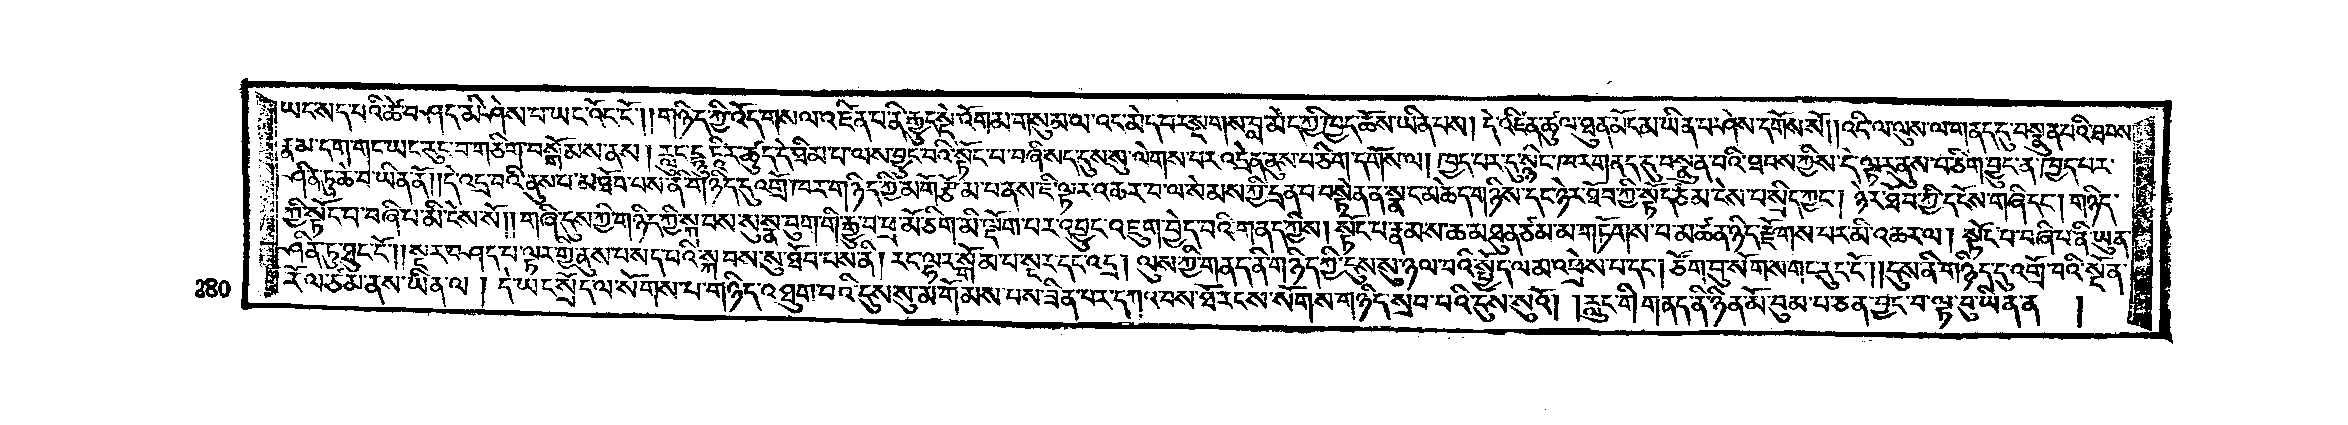ཡང་སད་པའི་ཚེ་བཤད་མི་ཤེས་པ་ཡང་འོང་ངོ། །གཉིད་ཀྱི་འོད་གསལ་འཛིན་པ་ནི་རྒྱུད་སྡེ་འོག་མ་གསུམ་ལ་འང་མེད་པར་སྔགས་བླ་མེད་ཀྱི་ཁྱད་ཆོས་ཡིན་པས། དེ་འཛིན་ཚུལ་ཐུན་མོང་མ་ཡིན་པ་ཤེས་དགོས་སོ། །འདི་ལ་ལུས་ལ་གནད་དུ་བསྣུན་པའི་ཐབས་
རྣམ་དག་གང་ཡང་རུང་བ་གཅིག་བསྒོམས་ནས། རླུང་དྷཱུ་ཏཱིར་ཚུད་དེ་ཐིམ་པ་ལས་བྱུང་བའི་སྟོང་པ་བཞི་སད་དུས་སུ་ལེགས་པར་འདྲེན་ནུས་པ་ཅིག་དགོས་ལ། ཁྱད་པར་དུ་སྙིང་ཁར་གནད་དུ་བསྣུན་པའི་ཐབས་ཀྱིས་དེ་ལྟར་ནུས་པ་ཅིག་བྱུང་ན་ཁྱད་པར་
ཤིན་ཏུ་ཆེ་བ་ཡིན་ནོ། །དེ་འདྲ་བའི་ནུས་པ་མཐོབ་པས་ནི་གཉིད་དུ་འགྲོ་ཁར་གཉིད་ཀྱི་མགོ་རྩོམ་པ་ནས་ཇི་ལྟར་འཆར་བ་ལ་སེམས་ཀྱི་དྲན་པ་བསྟེན་ན་སྣང་མཆེད་གཉིས་དང་ཉེར་ཐོབ་ཀྱི་སྟོད་ཙམ་ངེས་པ་སྲིད་ཀྱང་། ཉེར་ཐོབ་ཀྱི་དངོས་གཞི་དང་། གཉིད་
ཀྱི་སྟོང་པ་བཞི་པ་མི་ངེས་སོ། །གཞི་དུས་ཀྱི་གཉིད་ཀྱི་སྐབས་སུ་སྣ་བུག་གི་རྒྱུ་བ་ཕྲ་མོ་ཅིག་མི་ལྡོག་པར་འབྱུང་འཇུག་བྱེད་པའི་གནད་ཀྱིས། སྟོང་པ་རྣམས་ཆ་མཐུན་ཙམ་མ་གཏོགས་པ་མཚན་ཉིད་རྫོགས་པར་མི་འཆར་ལ། སྟོང་པ་བཞི་པ་ནི་ཡུན་
ཤིན་ཏུ་ཐུང་ངོ། །སྔར་བཤད་པ་ལྟར་གྱི་ནུས་པ་སད་པའི་སྐབས་སུ་ཐོབ་པས་ནི། རང་ལྷར་སྒོམ་པ་སྔར་དང་འདྲ། ལུས་ཀྱི་གནད་ནི་གཉིད་ཀྱི་དུས་སུ་ཉལ་བའི་སྤྱོད་ལམ་འཕྲེས་པ་དང་། ཙོག་བུ་སོགས་གང་རུང་ངོ། །དུས་ནི་གཉིད་དུ་འགྲོ་བའི་སྔོན་
རོལ་ཙམ་ནས་ཡིན་ལ། དེ་ཡང་སྲོད་ལ་སོགས་པ་གཉིད་འཐུག་པའི་དུས་སུ་མ་གོམས་པས་ཟིན་པར་དཀའ་བས་ཐོ་རངས་སོགས་གཉིད་སྲབ་པའི་དུས་སུའོ། །རླུང་གི་གནད་ནི་ཉིན་མོ་བུམ་པ་ཅན་བྱང་བ་ལྟ་བུ་ཡིན་ན།